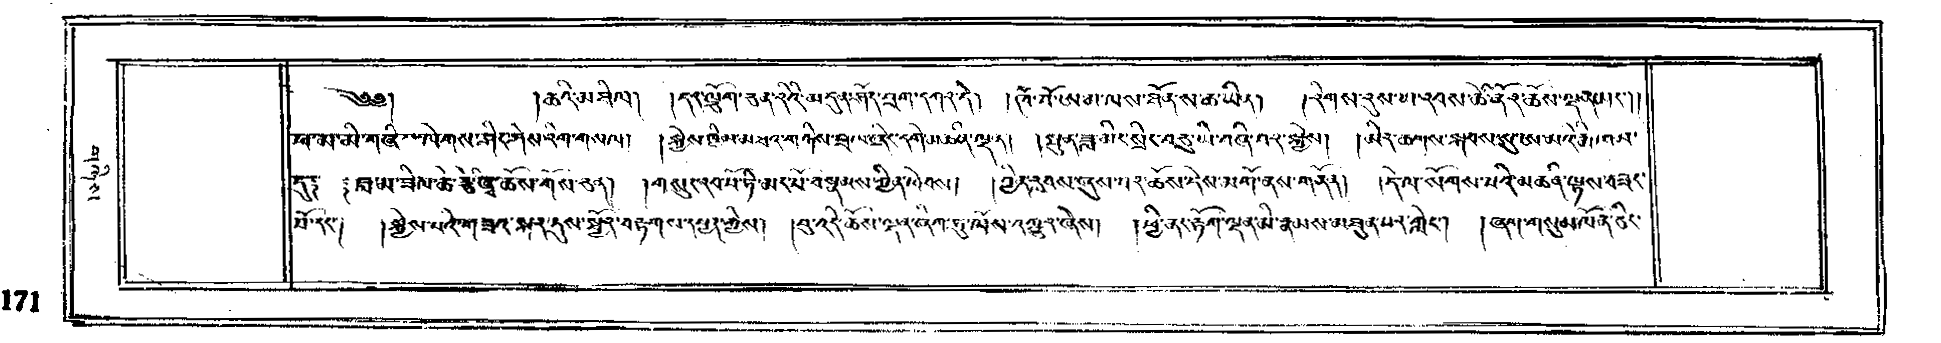༄༅། །ཆའི་མཐིལ། །དར་ལྕོག་ཅན་རིའི་མདུན་ཤོད་བྲག་དཀར་དེ། །ཁོ་བོ་ཨ་མ་ལས་ཐོན་ས་ཆ་ཡིན། །རིགས་རུས་ཡ་རབས་ཚེ་ནོར་ཆོས་ལྡན་ཡང།།
ཕ་མ་མི་གཞི་ལེགས་ཤིང་ཤེས་རིག་གསལ། །སྐྱེས་ཁྱིམ་མཐའ་གཉིས་བྲལ་ཞིང་དགེ་མཚན་ལྡན། །སྤུན་ཟླ་མིང་སྲིང་བཅུ་ཡི་བཞི་བར་སྐྱེས། །མིར་ཆགས་སྐབས་སུ་ཨ་མའི་རྨི་ལམ་
དུ༑ ༑བླ་མ་ཟིལ་ཆེ་རྩེ་ཞྭ་ཆོས་གོས་ཅན། །གསུང་རབ་པོ་ཏི་མང་བོ་བསྣམས་ཀྱིན་ཕེབས། །བྱིན་རླབས་ཞུས་པར་ཆོས་དེས་མགོ་ནས་གནོན། །དེ་ལ་སོགས་པའི་མཆིན་ལྟས་བཟང་
པོ་དང་། །སྐྱེས་པའི་གཟའ་སྐར་དུས་སྦྱོར་བརྟགས་དཔྱད་ཀྱིས། །བུ་འདི་ཆོས་ལྡན་ཞིག་ཏུ་ལོས་འགྱུར་ཞེས། །ཕྱི་ནང་རྟོག་ལྡན་མི་རྣམས་མཐུན་པར་གླེང་། །ཞག་གསུམ་ལོན་ཅིང་